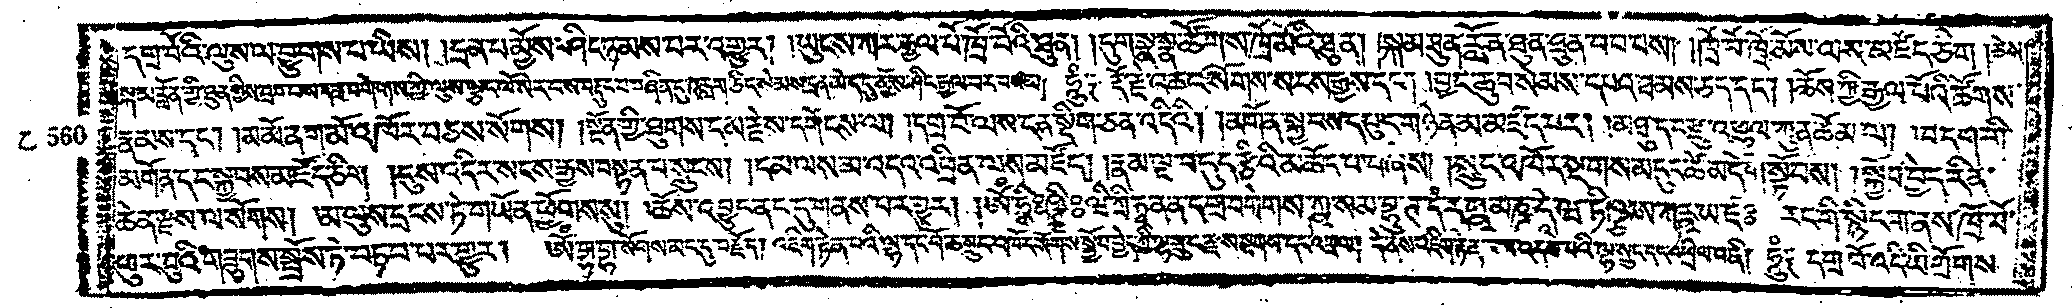དགྲ་བོའི་ལུས་ལ་བྱུགས་པ་ཡིས། །དྲན་པ་མྱོས་ཤིང་ཉམས་པར་འགྱུར། །ཡུངས་ཀར་རྒྱལ་པོ་ཁྲོ་བོའི་ཐུན། །དུག་སྣ་སྣ་ཚོགས་ཁྲོ་མོའི་ཐུན། །སྐམ་ཐུན་རློན་ཐུན་ཐུན་བབ་པས། །ཁྲོ་བོ་ཁྲོ་མོས་ལས་མཛོད་ཅིག །ཅེས་
སྐམ་རློན་གྱི་ཐུན་གྱིས་བྲབ་བས་དགྲ་བགེགས་ཀྱི་ལུས་ལྕད་ལོ་སེར་བས་བརྡུང་བ་བཞིན་དུ་བརླག་ཅིང་སེམས་དྲན་མེད་དུ་མྱོས་ཤིང་རྒྱལ་བར་བསམ། ཧཱུཾ༑ རྡོ་རྗེ་འཆང་སོགས་སངས་རྒྱས་དང་། །བྱང་ཆུབ་སེམས་དཔའ་ཐམས་ཅད་དང་། །ཆོས་ཀྱི་རྒྱལ་པོའི་ཚོགས་
རྣམས་དང་། །མ་མོ་ནག་མོ་འཁོར་བཅས་སོགས། །སྔོན་གྱི་ཐུགས་དམ་རྗེས་དགོངས་ལ། །དགྲ་བོ་ལས་ངན་སྡིག་ཅན་འདིའི། །མགོན་སྐྱབས་དཔུང་གཉེན་མ་མཛད་པར། །མཐུ་དང་བརྫུ་འཕྲུལ་ཀུན་ཆོམ་ལ། །བདག་གི་
མགོན་དང་སྐྱབས་མཛོད་ཅིག །དུས་འདིར་སངས་རྒྱས་བསྟན་པ་སྲུངས། །དམ་ལས་མ་འདའ་འཕྲིན་ལས་མཛོད། །རྣམ་ལྔ་བདུད་རྩིའི་མཆོད་པ་བཞེས། །སྲུང་འཁོར་སྔགས་མདུང་ཚེ་མདོག་སྟོབས། །སྐྱོབ་བྱེད་རིན་
ཆེན་རྫས་ལ་སོགས། །མ་ལུས་དྲངས་ཏེ་གཡོན་ཕྱོགས་སུ། །ཆོས་འབྱུང་ནང་དུ་གནས་པར་གྱུར། །ཨོཾ་ཧྲཱིཿཥྜཱིཿཝི་ཀྲི་ཏཱ་ན་ན་དགྲ་བགེགས་ཀྵ་སམ་བྷུ་ཌ་དཾ་རགྵ་མཎྜ་དE་ཝ་ཏི་ཥྩ་ཨ་ཀརྵ་ཡ་ཛཿ རང་གི་སྙིང་གནས་ཁྲོ་བོ་
ཕུར་བུའི་གཟུགས་སྤྲོས་ཏེ་བཏབ་པར་གྱུར། ཨོཾ་གྷ་གྷ་སོགས་མང་དུ་བརྗོད། འཇིག་རྟེན་པའི་ལྷ་དང་གོ་ཆ་སྲུང་འཁོར་སོགས་སྐྱོབ་བྱེད་ཀྱི་ལྷ་སྲུང་རྫས་སྔགས་དང་འཕྲལ། དེ་ནས་འཇིག་རྟན་ཟས་འདས་པའི་ལྷ་སྲུང་དང་འཕྲིལ་བ་ནི། ཧཱུཾ༑ དགྲ་བོ་འདི་ཡི་གྲོགས་